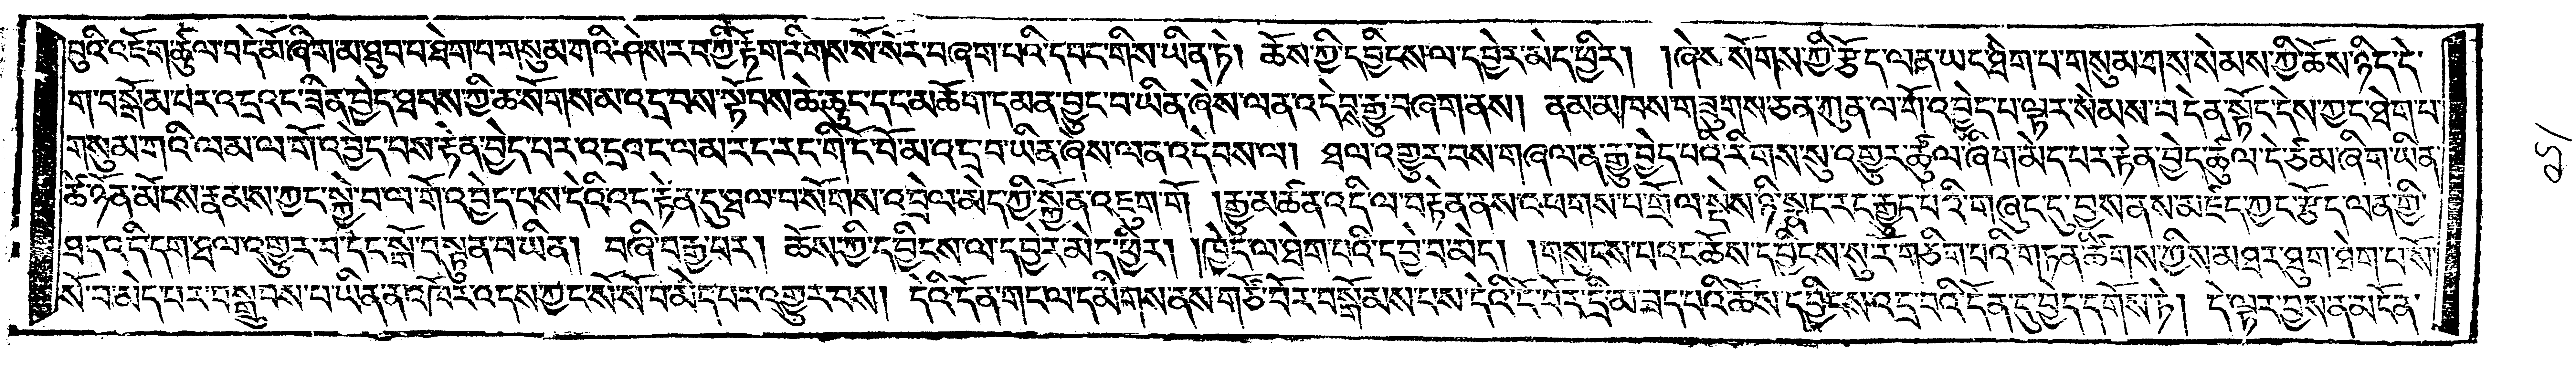བུའི་འཇོག་ཚུལ་བདེ་མོ་ཞིག་མ་ཐུབ་བ་ཐེག་བ་གསུམ་གའི་ཤེས་རབ་ཀྱི་རྟོག་རིགས་སོ་སོར་བཞག་པའི་དབང་གིས་ཡིན་ཏེ། ཆོས་ཀྱི་དབྱིངས་ལ་དབྱེར་མེད་ཕྱིར། །ཞེས་སོགས་ཀྱི་རྩོད་ལན་ཡང་ཐེག་པ་གསུམ་གས་སེམས་ཀྱི་ཆོས་ཉིད་དེ་
ག་བསྒོམ་པར་འདྲའང་ཟིན་བྱེད་ཐབས་ཀྱི་ཆ་སོགས་མ་འདྲ་བས་སྟོབས་ཆེ་ཆུང་དང་མཆོག་དམན་བྱུང་བ་ཡིན་ཞེས་ལན་འདེབས་རྒྱུ་བཞག་ནས། ནམ་མཁས་གཟུགས་ཅན་ཀུན་ལ་གོ་འབྱེད་པ་ལྟར་སེམས་བདེན་སྟོང་དེས་ཀྱང་ཐེག་པ་
གསུམ་གའི་ལམ་ལ་གོ་འབྱེད་པས་རྟེན་བྱེད་པར་འདྲའང་ལམ་རང་རང་གི་ངོ་བོ་མ་འདྲ་བ་ཡིན་ཞེས་ལན་འདེབས་ལ། ཐལ་འགྱུར་བས་གཞལ་ན་རྒྱུ་བྱེད་པའི་རིགས་སུ་འགྱུར་ཚུལ་ཞིག་མེད་པར་རྟེན་བྱེད་ཚུལ་དེ་ཙམ་ཞིག་ཡིན་
ཚེ་ཉོན་མོངས་རྣམས་ཀྱང་སྐྱེ་བ་ལ་གོ་འབྱེད་པས་དེའིའང་རྟེན་དུ་ཐལ་བ་སོགས་འབྲེལ་མེད་ཀྱི་སྐྱོན་འཇུག་གོ །རྒྱུ་མཚན་འདི་ལ་བརྟེན་ནས་འཕགས་པ་གྲོལ་སྡེས་ཉི་སྣང་རང་རྒྱུད་པའི་གཞུང་དུ་བྱས་ནས་མཛད་ཀྱང་རྩོད་ལན་གྱི་
ཐད་འདི་དག་ཐལ་འགྱུར་བ་དང་སྒོ་བསྟུན་པ་ཡིན། བཞི་བརྒྱ་བར། ཆོས་ཀྱི་དབྱིངས་ལ་དབྱེར་མེད་ཕྱིར། །ཁྱེད་ལ་ཐེག་པའི་དབྱེ་བ་མེད། །གསུངས་པའང་ཆོས་དབྱིངས་སུ་རོ་གཅིག་པའི་གཏན་ཚིགས་ཀྱིས་མཐར་ཐུག་ཐེག་པ་སོ་
སོ་བ་མེད་པར་བསྒྲུབས་པ་ཡིན་ན་འཁོར་འདས་ཀྱང་སོ་སོ་བ་མེད་པར་འགྱུར་བས། དེའི་དོན་གང་ལ་དམིགས་ནས་གཙོ་བོར་བསྒོམས་པས་དེའི་ངོ་བོར་དྲི་མ་ཟད་པའི་ཆོས་དབྱིངས་འདྲ་བའི་དོན་དུ་བྱེད་དགོས་ཏེ། དེ་ལྟར་བྱས་ན་མངོན་